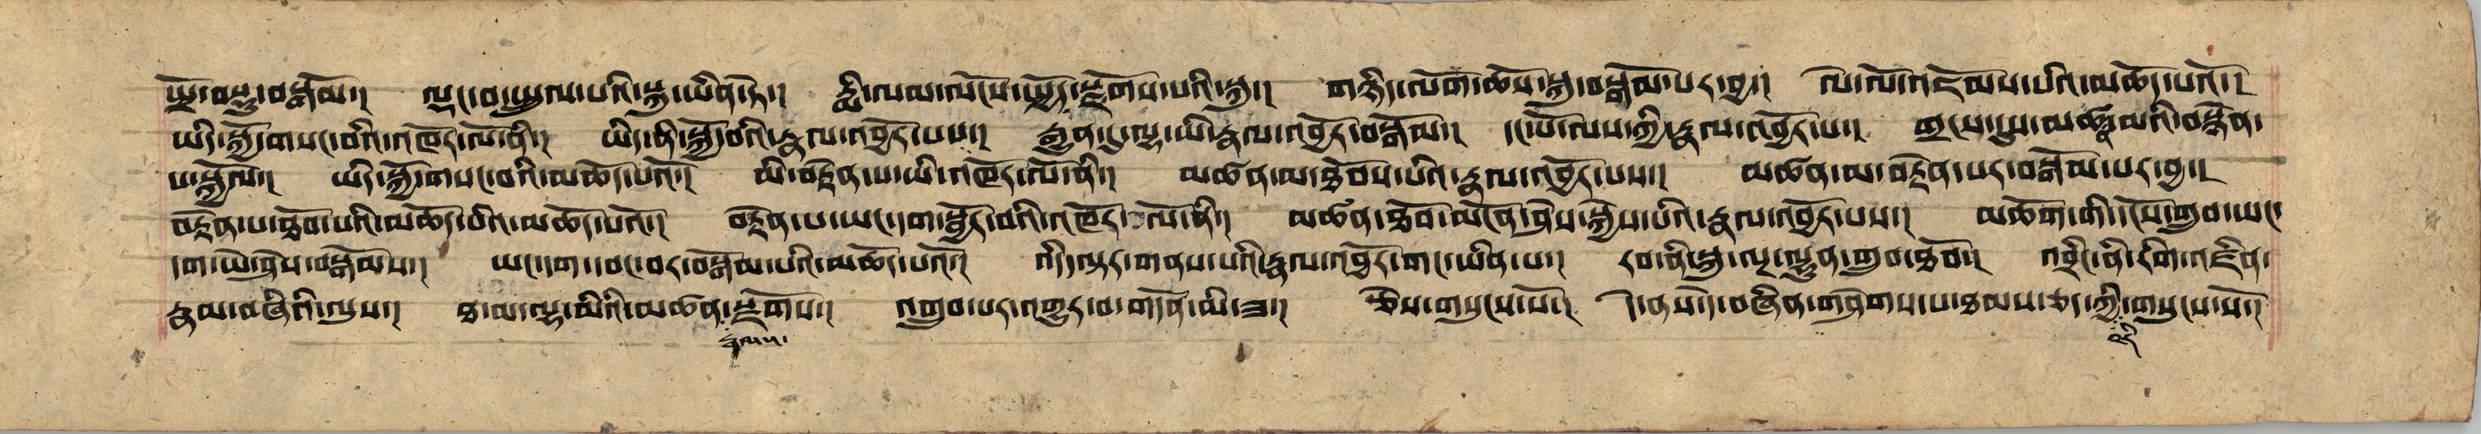སྤྲོ་བསྡུ་བསྒོམ་། ལྡང་བ་སྤྲུལ་པའི་སྐུ་ཡིན་ཏེ་། རྨི་ལམ་ལོངས་སྤྱོད་སྫོགས་པའི་སྐུ་། གཉིད་ལོག་ཆོས་སྐུ་བསྒོམ་པར་བྱ་། ལེ་ལོ་འཇོམས་པའི་མཆོད་པའོ་།
ཡིད་སྐྱོ་གསང་བའི་འཁོར་ལོ་ནི་། ཡིད་ནི་སྐྱོ་བའི་རྣལ་འབྱོར་པས་། རྒྱུན་དུ་ལྷ་ཡི་རྣལ་འབྱོར་བསྒོམ་། དང་པོ་ལས་ཀྱི་རྣལ་འབྱོར་པ་། གྲངས་དུས་མཚན་མའི་བསྙེན་
པ་སྐྱེལ་། ཡིད་སྐྱོ་གསང་བའི་མཆོད་པའོ་། མི་བརྟེན་པ་ཡི་འཁོར་ལོ་ནི་། མཚན་མ་ཐོབས་པའི་རྣལ་འབྱོར་པས་། མཚན་མ་བརྟེན་པར་བསྒོམ་པར་བྱ་།
བརྟེན་པ་ཐོབ་པའི་མཆོད་པའི་མཆོད་པའོ་། བརྟེན་པ་ཡང་དག་སྦྱོར་བའི་འཁོར་ ལོ་ནི་། མཚན་ཐོབ་མངོན་ཤེས་སྐྱེས་པའི་རྣལ་འབྱོར་པས་། མཆོག་གི་དངོས་གྲུབ་ཡང་
དག་ཡེ་ཤེས་བསྒོམས་། ཡང་དག་དབང་བར་བསྒོམ་པའི་མཆོད་པའོ་། འདི་ལྟར་གནས་པའི་རྣལ་འབྱོར་གང་ཡིན་པ་། རབ་ནི་སྐུ་ལྔ་ལྷུན་གྲུབ་ཐོབ་། འབྲིང་ནི་རིག་འཛིན་
རྣམ་བཞིའི་ལུས་། ཐ་མ་ལྷ་མིའི་མཚན་སྫོགས་། འགྲུབ་པར་འགྱུར་བ་གདོན་མི་ཟ་། ཅེས་གསུངས་སོ་། དེ་ནས་དེ་བཞིན་གཤེགས་པ་ཐམས་ཅད་ཀྱི་གསུངས་སོ་།